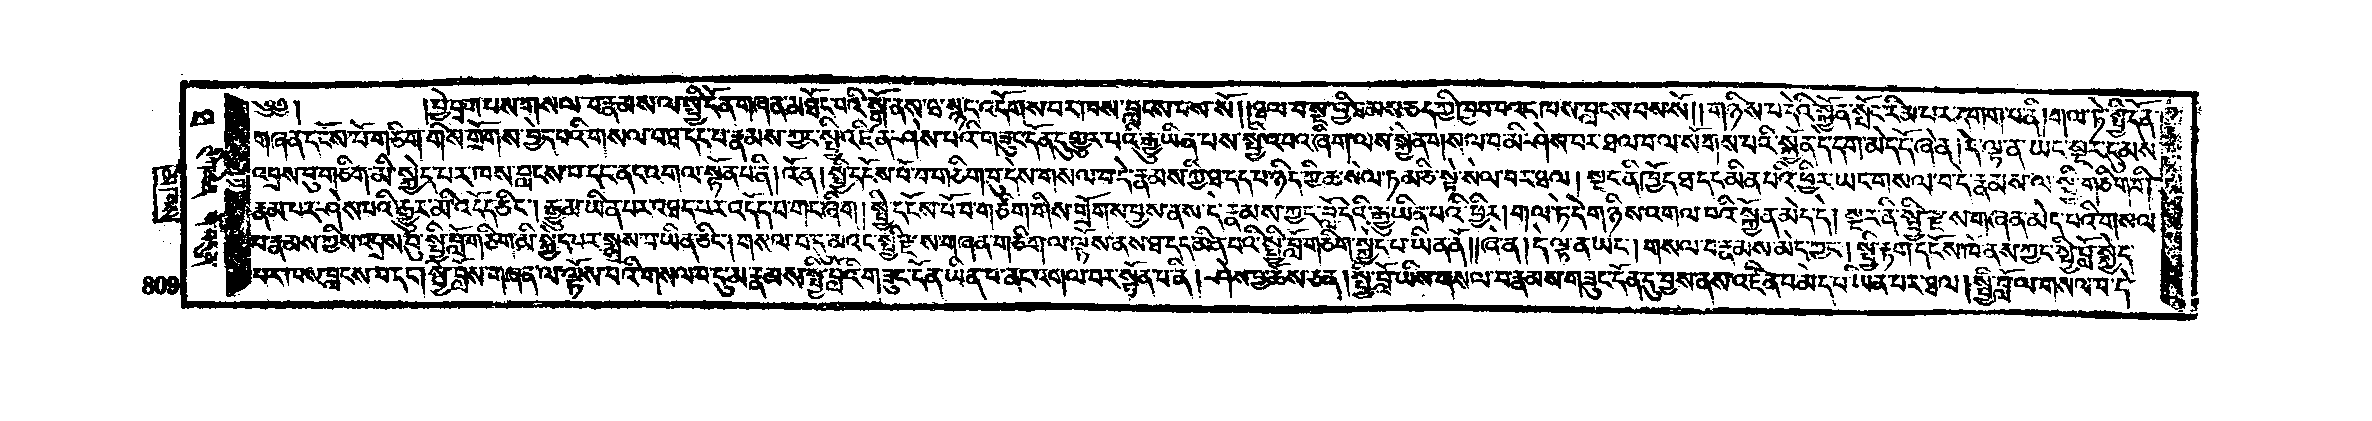༄༅། །བྱེ་བྲག་པས་གསལ་བ་རྣམས་ལ་སྤྱི་དོན་གཞན་མཐོང་བའི་སྒོ་ནས་ཐ་སྙད་འདོགས་པར་ཁས་བླངས་པས་སོ། །ཐལ་བ་སྔ་ཕྱི་ཐམས་ཅད་ཀྱི་ཁྱབ་པའང་ཁས་བླངས་པས་སོ། །གཉིས་པ་དེའི་སྐྱོན་སྤོང་རིམ་པར་དགག་པ་ནི། གལ་ཏེ་སྤྱི་དོན་
གཞན་དངོས་པོ་གཅིག་གིས་གྲོགས་བྱེད་པའི་གསལ་བ་ཐ་དད་པ་རྣམས་ཀྱང་སྤྱི་འཛིན་ཤེས་པའི་གཟུང་དོན་དུ་གྱུར་པའི་རྒྱུ་ཡིན་པས་སྤྱི་འབའ་ཞིག་ལས་སྐྱེན་ན་གསལ་བ་མི་ཤེས་པར་ཐལ་བ་ལ་སོགས་པའི་སྐྱོན་དེ་དག་མེད་དོ་ཞེ་ན། དེ་ལྟ་ན་ཡང་སྔར་དུ་མས་
འབྲས་བུ་གཅིག་མི་སྐྱེད་པར་ཁས་བླངས་པ་དང་ནང་འགལ་སྟོན་པ་ནི། འོ་ན། སྤྱི་དངོས་པོ་བ་གཅིག་བུ་དེས་གསལ་བ་དེ་རྣམས་ཀྱི་ཐ་དད་པ་ཉིད་ཀྱི་ཆ་སེལ་ཏམ་ཅི་སྟེ་སེལ་བར་ཐལ། སྔར་ནི་ཁྱོད་ཐ་དད་མིན་པའི་ཕྱིར་ཡང་གསལ་བ་དེ་རྣམས་ལ་སྤྱི་གཅིག་གི་
རྣམ་པར་ཤེས་པའི་རྒྱུར་མི་འདོད་ཅིང་། རྒྱུ་མ་ཡིན་པར་འཐད་པར་འདོད་པ་གང་ཞིག །སྤྱི་དངོས་པོ་བ་གཅིག་གིས་གྲོགས་བྱས་ནས་དེ་རྣམས་ཀྱང་བློ་དེའི་རྒྱུ་ཡིན་པའི་ཕྱིར། གལ་ཏེ་དེ་གཉིས་འགལ་བའི་སྐྱོན་མེད་དེ། སྔར་ནི་སྤྱི་རྫས་གཞན་མེད་པའི་གསལ་
པ་རྣམས་ཀྱིས་འབྲས་བུ་སྤྱི་བློ་གཅིག་མི་སྐྱེད་པར་སྨྲས་པ་ཡིན་ཅིང་། གསལ་བ་དུ་མའང་སྤྱི་རྫས་གཞན་གཅིག་ལ་ལྟོས་ནས་ཐ་དད་མིན་པའི་སྤྱི་བློ་གཅིག་སྐྱེད་པ་ཡིན་ནོ། །ཞེ་ན། དེ་ལྟ་ན་ཡང་། གསལ་བ་རྣམས་མེད་ཀྱང་། སྤྱི་རྟག་དངོས་ཁོ་ནས་ཀྱང་སྤྱི་བློ་སྐྱེད་
པར་ཁས་བླངས་པ་དང་། སྤྱི་བློས་གཞན་ལ་ལྟོས་པའི་གསལ་བ་དུ་མ་རྣམས་སྤྱི་བློའི་གཟུང་དོན་ཡིན་པ་ནང་འགལ་བར་སྟོན་པ་ནི། ཤེས་བྱ་ཆོས་ཅན། སྤྱི་བློ་ཡིས་གསལ་བ་རྣམས་གཟུང་དོན་དུ་བྱས་ནས་འཛིན་པ་མེད་པ་ཡིན་པར་ཐལ། སྤྱི་བློ་ལ་གསལ་བ་དེ་